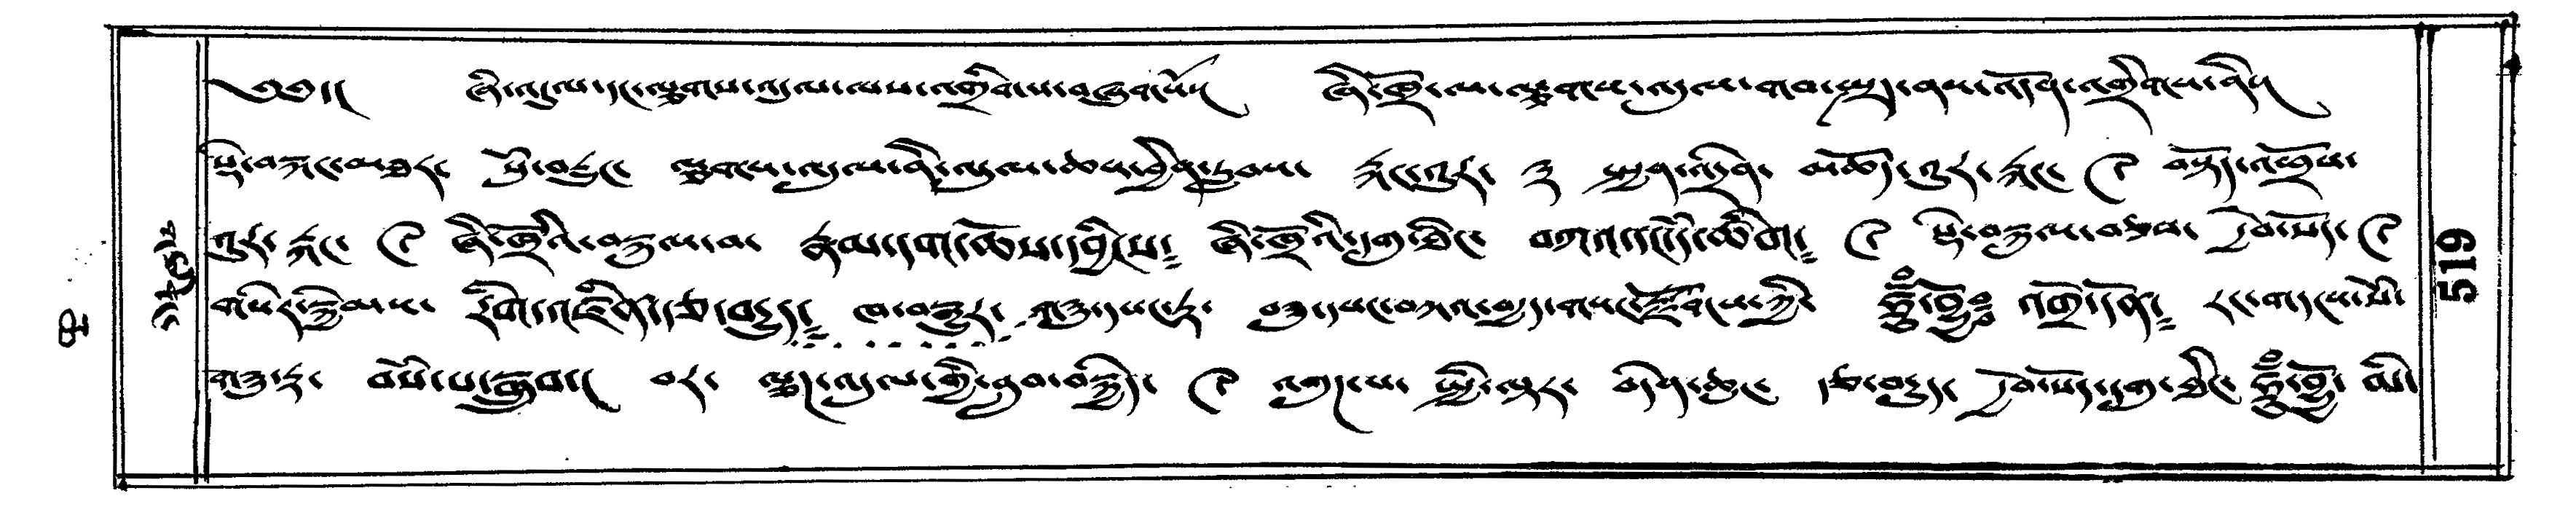༄༅། ཞི་འདུལ་དང་ལྕགས་འདུལ་ལས་འགྲིགས་བཞུགས་སོ། ཞི་ཁྲོ་ལ་ལྕགས་འདུལ་གབ་སྤྲད་ནས་འདོན་འགྲིགས་ནི། 
སྡེ་བསྐང་མཐར། སུམ་བརྡུང་། ལྕགས་འདུལ་ནི་འདུལ་ཆས་བྱིན་རླབས། རྐང་འུར་གསུམ། སྤྱན་འདྲེན། མཆོད། འུར་རྐང་དགུ བསྟོད། འཕྲོས་
འུར་རྐང་དགུ། ཞི་ཁྲོའི་བསྐུལ་བ། རྣམ་དག་ཆོས་དབྱིངས༴ ཞི་ཁྲོའི་དགུ་ཐིང་། བཀའ་དང་དམ་ཚིག༴ དགུ། སྡེ་བསྐུལ་བཅས། རྒྱོབ་སོད་དགུ། 
གསེར་སྐྱེམས། རིག་འཛིན་རྩ་བརྒྱུད༴ ཁ་བསྒྱུར། བཟུ་དཔང་བཀའ་གསར་རྫོགས་ཀྱི་ ཧཱུྃ་བྷྱོ༔ འགྲོ་དོན༴ རང་གདངས་སམ་
གཟུ་རྟ། བསམ་པ་སྒྲུབས༔ བར། ལྕགས་འདུལ་གྱི་བྲུབ་བསྐྱེད། དགུ འགུགས་པ་སྤྱི་ལྟར། བདེན་ཆུང་། རྩ་བརྒྱུད། རྒྱོབ་སོད་དགུ་ཐིང་། ཧཱུྃ་བྷྱོ༔ མི་